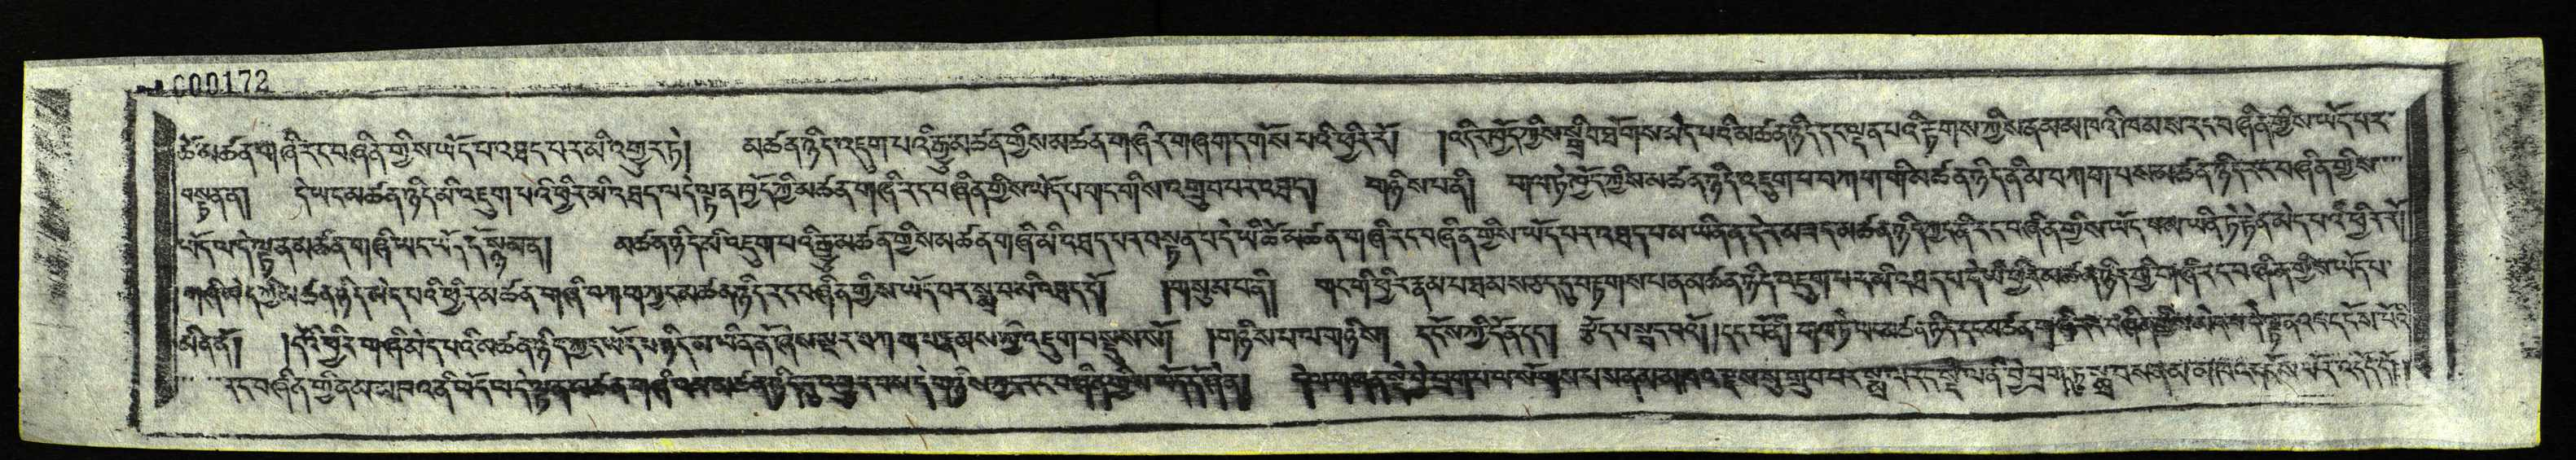ཚེ་མཚན་གཞི་རང་བཞིན་གྱིས་ཡོད་པ་འཐད་པར་མི་འགྱུར་ཏེ། མཚན་ཉིད་འཇུག་པའི་རྒྱུ་མཚན་གྱིས་མཚན་གཞིར་གཞག་དགོས་པའི་ཕྱིར་རོ། །འདིར་ཁྱོད་ཀྱིས་སྒྲིབ་ཐོགས་མེད་པའི་མཚན་ཉིད་དང་ལྡན་པའི་རྟགས་ཀྱིས་ནམ་མཁའི་ཁམས་རང་བཞིན་གྱིས་ཡོད་པར་
བསྟན་ན། དེ་ཡང་མཚན་ཉིད་མི་འཇུག་པའི་ཕྱིར་མི་འཐད་ལ་དེ་ལྟར་ཁྱོད་ཀྱི་མཚན་གཞི་རང་བཞིན་གྱིས་ཡོད་པ་གང་གིས་འགྲུབ་པར་འཐད། གཉིས་པ་ནི། གལ་ཏེ་ཁྱོད་ཀྱིས་མཚན་ཉིད་འཇུག་པ་བཀག་གི་མཚན་ཉིད་ནི་མ་བཀག་པས་མཚན་ཉིད་རང་བཞིན་གྱིས་
ཡོད་ལ་དེ་ལྟ་ན་མཚན་གཞི་ཡང་ཡོད་དོ་སྙམ་ན། མཚན་ཉིད་མི་འཇུག་པའི་རྒྱུ་མཚན་གྱིས་མཚན་གཞི་མི་འཐད་པར་བསྟན་པ་དེ་ཡི་ཚེ་མཚན་གཞི་རང་བཞིན་གྱིས་ཡོད་པར་འཐད་པ་མ་ཡིན་ན་དེར་མ་ཟད་མཚན་ཉིད་ཀྱང་ནི་རང་བཞིན་གྱིས་ཡོད་པས་ཡིན་ཏེ་རྟེན་མེད་པའི་ཕྱིར་རོ།
གཞི་མེད་ཀྱི་མཚན་ཉིད་མེད་པའི་ཕྱིར་མཚན་གཞི་བཀག་ཀྱང་མཚན་ཉིད་རང་བཞིན་གྱིས་ཡོད་པར་སྨྲ་བ་མི་འཐད་དོ། །གསུམ་པ་ནི། གང་གི་ཕྱིར་རྣམ་པ་ཐམས་ཅད་དུ་བརྟགས་པ་ན་མཚན་ཉིད་འཇུག་པར་མི་འཐད་པ་དེ་ཡི་ཕྱིར་མཚན་ཉིད་ཀྱི་གཞི་རང་བཞིན་གྱིས་ཡོད་པ་
མིན་ནོ། །དེའི་ཕྱིར་གཞི་མེད་པའི་མཚན་ཉིད་ཀྱང་ཡོད་པ་ཉིད་མ་ཡིན་ནོ་ཞེས་སྔར་བཀག་པ་རྣམས་ཀྱི་འཇུག་བསྡུས་སོ། །གཉིས་པ་ལ་གཉིས། དངོས་ཀྱི་དོན་དང་། རྩོད་པ་སྤང་བའོ། །དང་པོ་ནི། གལ་ཏེ་ཡང་མཚན་ཉིད་དང་མཚན་གཞི་རང་བཞིན་གྱིས་མེད་པ་དེ་ལྟ་ནའང་དངོས་པོའི་
རང་བཞིན་གྱི་ནམ་མཁའ་ནི་ཡོད་ལ་དེ་ལྟ་ན་མཚན་གཞི་འམ་མཚན་ཉིད་དུ་འགྱུར་པས་དེ་གཉིས་ཀྱང་རང་བཞིན་གྱིས་ཡོད་དོ་ཞེ་ན། དེ་ལ་གཞན་སྡེ་བྱེ་བྲག་པ་ལ་སོགས་པས་ནམ་མཁའ་རྫས་སུ་གྲུབ་པར་སྨྲ་ལ་རང་སྡེ་ལ་ནི་བྱེ་བྲག་ཏུ་སྨྲ་བས་ནམ་མཁའ་དངོས་པོར་འདོད་དོ།།